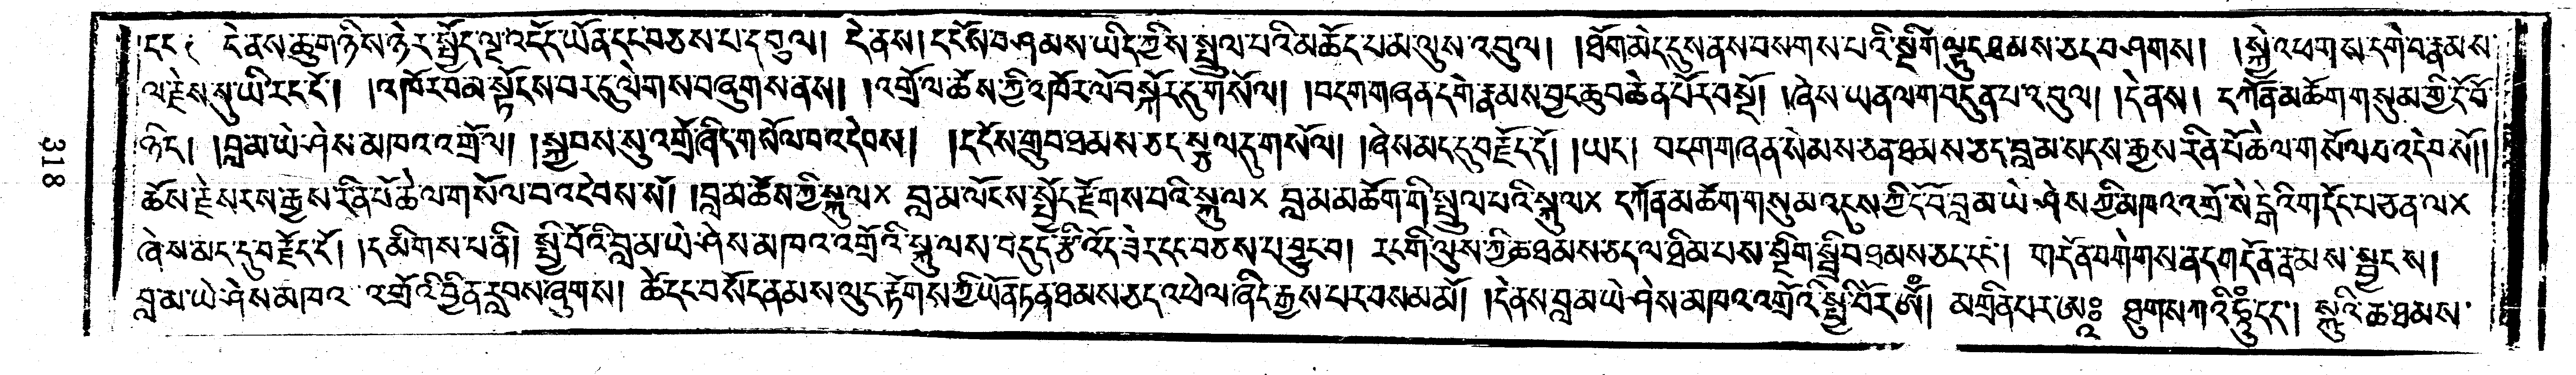དང༑ དེ་ནས་ཆུ་གཉིས་ཉེར་སྤྱོད་ལྔ་འདོད་ཡོན་དང་བཅས་པ་དབུལ། དེ་ནས། དངོས་བཤམས་ཡིད་ཀྱིས་སྤྲུལ་པའི་མཆོད་པ་མ་ལུས་འབུལ། །ཐོག་མེད་དུས་ནས་བསགས་པའི་སྡིག་ལྟུང་ཐམས་ཅད་བཤགས། །སྐྱེ་འཕགས་དགེ་བ་རྣམས་
ལ་རྗེས་སུ་ཡི་རང་ངོ། །འཁོར་བ་མ་སྟོངས་བར་དུ་ལེགས་བཞུགས་ནས། །འགྲོ་ལ་ཆོས་ཀྱི་འཁོར་ལོ་བསྐོར་དུ་གསོལ། །བདག་གཞན་དགེ་རྣམས་བྱང་ཆུབ་ཆེན་པོར་བསྔོ། །ཞེས་ཡན་ལག་བདུན་པ་འབུལ། །དེ་ནས། དཀོན་མཆོག་གསུམ་གྱི་ངོ་བོ་
ཉིད། །བླ་མ་ཡེ་ཤེས་མཁའ་འགྲོ་ལ། །སྐྱབས་སུ་འགྲོ་ཞིང་གསོལ་བ་འདེབས། །དངོས་གྲུབ་ཐམས་ཅད་སྕལ་དུ་གསོལ། །ཞེས་མང་དུ་བརྗོད་དོ། །ཡང་། བདག་གཞན་སེམས་ཅན་ཐམས་ཅད་བླ་མ་སངས་རྒྱས་རིན་པོ་ཆེ་ལ་གསོལ་བ་འདེབ་སོ། །
ཆོས་རྗེ་སངས་རྒྱས་རིན་པོ་ཆེ་ལ་གསོལ་བ་འདེབས་སོ། །བླ་མ་ཆོས་ཀྱི་སྐུ་ལ་྾་བླ་མ་ལོངས་སྤྱོད་རྫོགས་པའི་སྐུ་ལ་྾་བླ་མ་མཆོག་གི་སྤྲུལ་པའི་སྐུ་ལ་྾་དཀོན་མཆོག་གསུམ་འདུས་ཀྱི་ངོ་བོ་བླ་མ་ཡེ་ཤེས་ཀྱི་མཁའ་འགྲོ་སེངྒེའི་གདོང་པ་ཅན་ལ་྾་
ཞེས་མང་དུ་བརྗོད་དོ། །དམིགས་པ་ནི། སྤྱི་བོའི་བླ་མ་ཡེ་ཤེས་མཁའ་འགྲོའི་སྐུ་ལས་བདུད་རྩི་འོད་ཟེར་དང་བཅས་པ་བྱུང་བ། རང་གི་ལུས་ཀྱི་ཆ་ཐམས་ཅད་ལ་ཐིམ་པས་སྡིག་སྦྲིབ་ཐམས་ཅད་དང་། གདོན་བགེགས་ནད་གདོན་རྣམས་སྦྱངས།
བླ་མ་ཡེ་ཤེས་མཁའ་འགྲོའི་བྱིན་རླབས་ཞུགས། ཚེ་དང་བསོད་ནམས་ལུང་རྟོགས་ཀྱི་ཡོན་ཏན་ཐམས་ཅད་འཕེལ་ཞིང་རྒྱས་པར་བསམ་མོ། །དེ་ནས་བླ་མ་ཡེ་ཤེས་མཁའ་འགྲོའི་སྤྱི་བོར་ཨོཾ། མགྲིན་པར་ཨཱཿ ཐུགས་ཀའི་ཧཱུཾ་དང་། སྐུའི་ཆ་ཐམས་